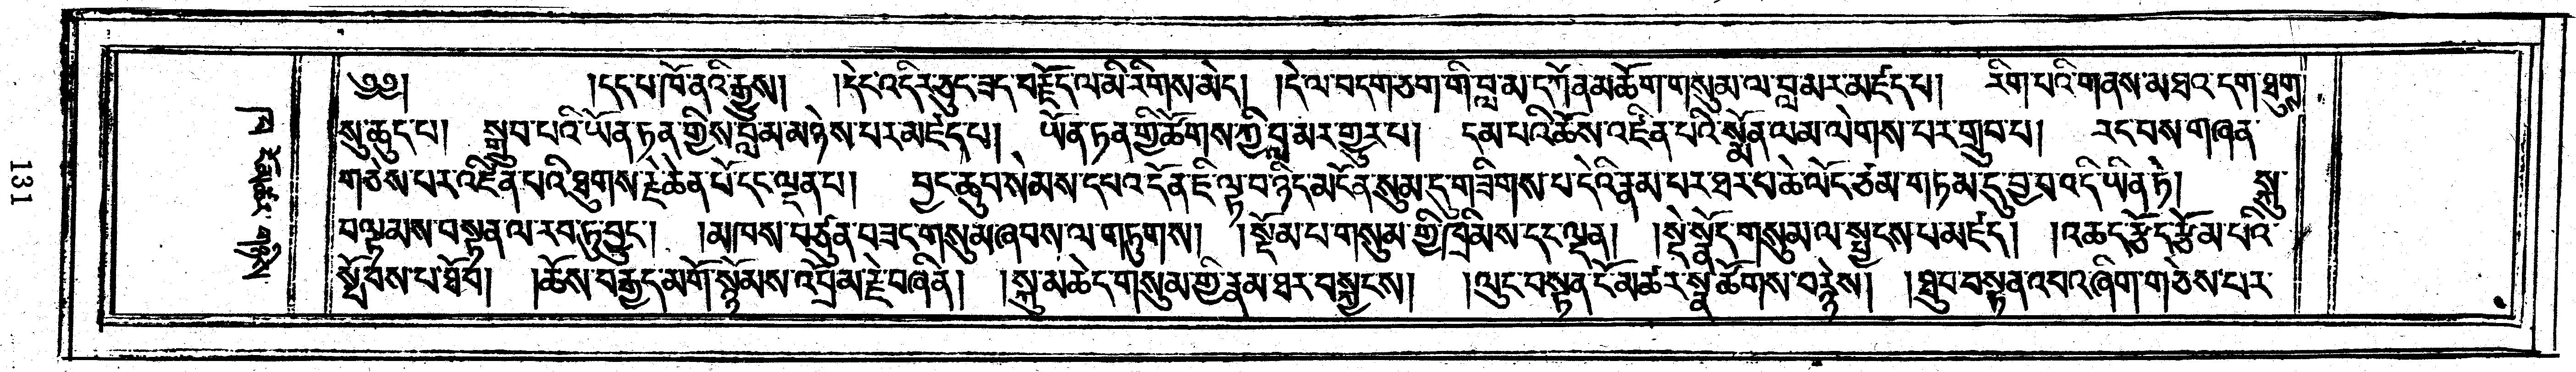༄༅། །དད་པ་ཁོ་ནའི་རྒྱུས། །དེང་འདིར་ཅུང་ཟད་བརྗོད་ལ་མི་རིགས་མེད། །དེ་ལ་བདག་ཅག་གི་བླ་མ་དཀོན་མཆོག་གསུམ་ལ་བླ་མར་མཛད་པ། རིག་པའི་གནས་མཐའ་དག་ཐུགས་
སུ་ཆུད་པ། སྒྲུབ་པའི་ཡོན་ཏན་གྱིས་བླ་མ་མཉེས་པར་མཛད་པ། ཡོན་ཏན་གྱི་ཚོགས་ཀྱི་བླ་མར་གྱུར་པ། དམ་པའི་ཆོས་འཛིན་པའི་སྨོན་ལམ་ལེགས་པར་གྲུབ་པ། རང་བས་གཞན་
གཅེས་པར་འཛིན་པའི་ཐུགས་རྗེ་ཆེན་པོ་དང་ལྡན་པ། བྱང་ཆུབ་སེམས་དཔའ་དོན་ཇི་ལྟ་བ་ཉིད་མངོན་སུམ་དུ་གཟིགས་པ་དེའི་རྣམ་པར་ཐར་པ་ཆེ་ལོང་ཙམ་གཏམ་དུ་བྱ་བ་འདི་ཡིན་ཏེ། སྐུ་བལྟམས་བསྟན་ལ་རབ་ཏུ་བྱུང་། །མཁས་བཙུན་བཟང་གསུམ་ཞབས་ལ་གཏུགས། །སྡོམ་པ་གསུམ་གྱི་ཁྲིམས་དང་ལྡན། །སྡེ་སྣོད་གསུམ་ལ་སྦྱངས་པ་མཛད། །འཆད་རྩོད་རྩོམ་པའི་
སྤོབས་པ་ཐོབ། །ཆོས་བརྒྱད་མགོ་སྙོམས་འབྲོམ་རྗེ་བཞིན། །སྐུ་མཆེད་གསུམ་གྱི་རྣམ་ཐར་བསྐྱངས། །ལུང་བསྟན་ངོ་མཚར་སྣ་ཚོགས་བརྙེས། །ཐུབ་བསྟན་འབའ་ཞིག་གཅེས་པར་